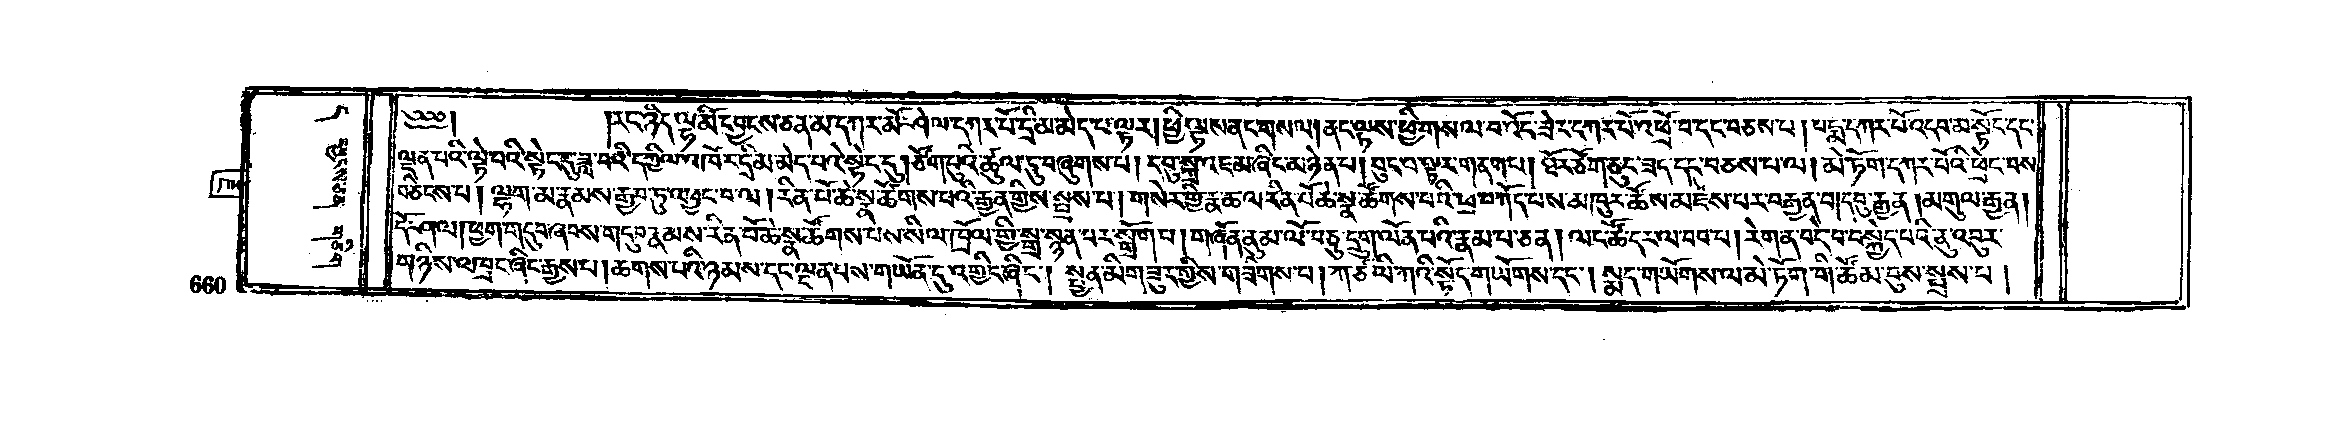༄༅༅། །རང་ཉིད་ལྷ་མོ་དབྱངས་ཅན་མ་དཀར་མོ་ཤེལ་དཀར་པོ་དྲི་མ་མེད་པ་ལྟར། ཕྱི་ལྟས་ནང་གསལ། ནང་ལྟས་ཕྱི་གསལ་བ་འོད་ཟེར་དཀར་པོ་འཕྲོ་བ་དང་བཅས་པ། པདམ་དཀར་པོ་འདབ་མ་སྟོང་དང་
ལྡན་པའི་ལྟེ་བའི་སྟེང་དུ་ཟླ་བའི་དཀྱིལ་འཁོར་དྲི་མ་མེད་པའི་སྟེང་དུ། ཙོག་པུའི་ཚུལ་དུ་བཞུགས་པ། དབུ་སྐྲ་འཇམ་ཞིང་མཉེན་པ། བུང་བ་ལྟར་གནག་པ། ཐོར་ཙོག་ཅུང་ཟད་དང་བཅས་པ་ལ། མེ་ཏོག་དཀར་པོའི་ཕྲེང་བས་
བཅིངས་པ། ལྷག་མ་རྣམས་རྒྱབ་ཏུ་འཕྱང་བ་ལ། རིན་པོ་ཆེ་སྣ་ཚོགས་པའི་རྒྱན་གྱིས་སྤྲས་པ། གསེར་གྱི་རྣ་ཆ་ལ་རིན་པོ་ཆེ་སྣ་ཚོགས་པའི་ཕྲ་བཀོད་པས་མཁུར་ཚོས་མཛེས་པར་བརྒྱན་པ། དབུ་རྒྱན། མགུལ་རྒྱན།
དོ་ཤལ། ཕྱག་གདུབ་ཞབས་གདུབ་རྣམས་རིན་པོ་ཆེ་སྣ་ཚོགས་པས་སིལ་ཁྲོལ་གྱི་སྒྲ་སྙན་པར་སྒྲོག་པ། གཞོན་ནུ་མ་ལོ་བཅུ་དྲུག་ལོན་པའི་རྣམ་པ་ཅན། ལང་ཚོ་དར་ལ་བབ་པ། རེག་ན་བདེ་བ་བསྐྱེད་པའི་ནུ་འབུར་
གཉིས་འཁྲང་ཞིང་རྒྱས་པ། ཆགས་པའི་ཉམས་དང་ལྡན་པས་གཡོན་དུ་འགྱིང་ཞིང་། སྤྱན་མི་གཟུར་གྱིས་གཟིགས་པ། ཀ་ཙ་ལི་ཀའི་སྟོད་གཡོགས་དང་། སྨད་གཡོགས་ལ་མེ་ཏོག་གི་ཚོམ་བུས་སྤྲས་པ།